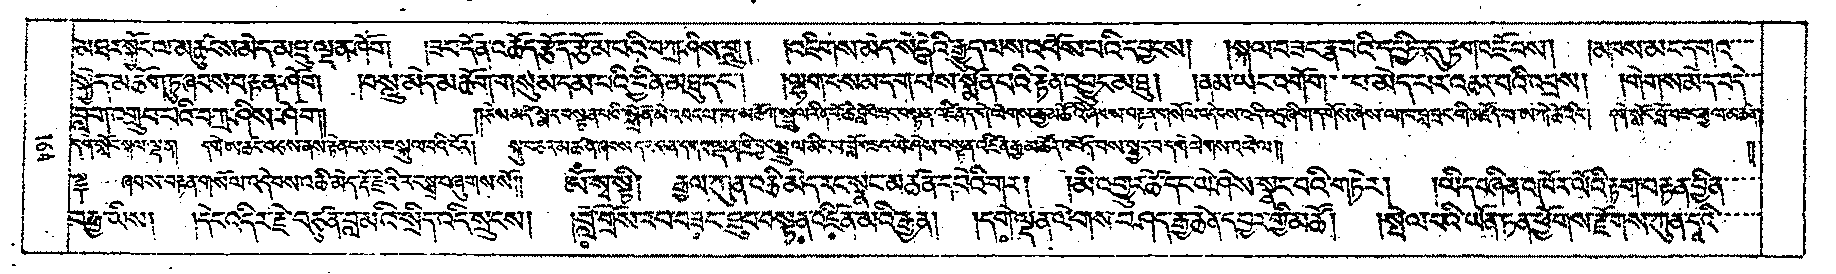མཐར་སྐྱོང་ལ་མཚུངས་མེད་མཐུ་ལྡན་ཤོག །ཟབ་དོན་འཆོད་རྩོད་རྩོམ་པའི་བཀྲ་ཤིས་གླུ། །འཇིགས་མེད་སེངྒེའི་རྒྱུད་ལས་འཕོས་པའི་དབྱངས། །སྐལ་བཟང་རྣ་བའི་དཔྱིད་དུ་རྟག་འཇོ་བས། །མཁས་མང་དགའ་
སྐྱེད་མཆོག་ཏུ་ཞབས་བརྟན་ཤོག །བསླུ་མེད་མཆོག་གསུམ་དམ་པའི་བྱིན་མཐུ་དང་། །ལྷག་བསམ་དག་པས་སྨོན་པའི་རྟེན་འབྱུང་མཐུ། །ནམ་ཡང་འགོག་པ་མེད་པར་འཆར་བའི་འབྲས། །གེགས་མེད་བདེ་
བླག་འགྲུབ་པའི་བཀྲ་ཤིས་ཤོག ། །།ཅེས་མདོ་སྨད་བསྟན་པའི་སྒྲོན་མེ་འབའ་ལ་ཁ་མཆོག་སྤྲུལ་རིན་པོ་ཆེ་བློ་བཟང་བསྟན་འཛིན་དགེ་ལེགས་རྒྱ་མཚོའི་ཞབས་བརྟན་གསོལ་འདེབས་འདི་འདྲ་ཞིག་དགོས་ཞེས་ལ་ཁ་བླ་བྲང་གི་མཛོད་པ་ཨ་ཀེ་ཚེ་རིང་། །དགེ་སློང་བློ་བཟང་རྒྱལ་མཚན་
དགེ་སློང་སྐལ་ལྡན། དགེ་ཨ་ཚང་བཅས་ནས་རྟེན་བཅས་བསྐུལ་བའི་ངོར། །སྐུ་བཅར་མཚན་ཞབས་དར་ཧན་དགའ་ལྡན་ཁྲི་བྱང་སྤྲུལ་མིང་པ་བློ་བཟང་ཡེ་ཤེས་བསྟན་འཛིན་རྒྱ་མཚོར་འབོད་པས་སྦྱར་བ་དགེ་ལེགས་འཕེལ།། །།
༈ ཞབས་བརྟན་གསོལ་འདེབས་འཆི་མེད་རྡོ་རྗེའི་རང་སྒྲ་བཞུགས་སོ།། ཨོཾ་སྭ་སྟི། རྒྱལ་ཀུན་འཆི་མེད་རང་སྣང་མཚན་དཔེའི་གར། །མི་འགྱུར་ཚེ་དང་ཡེ་ཤེས་སྣང་བའི་གཏེར། །ཡིད་བཞིན་འཁོར་ལོའི་རྟག་བརྟན་བྱིན་
བརྒྱ་ཡིས། །དེང་འདིར་རྗེ་བཙུན་བླ་མའི་སྲིད་འདི་སྲུངས། །བློ་གྲོས་རབ་བཟང་ཐུབ་བསྟན་འཛིན་མའི་རྒྱན། །དགེ་ལྡན་ལེགས་བཤད་རྒྱ་ཆེན་དབྱར་གྱི་མཚོ། །སྤེལ་བའི་ཡོན་ཏན་ཕྱོགས་རྫོགས་ཀུན་དཱའི་